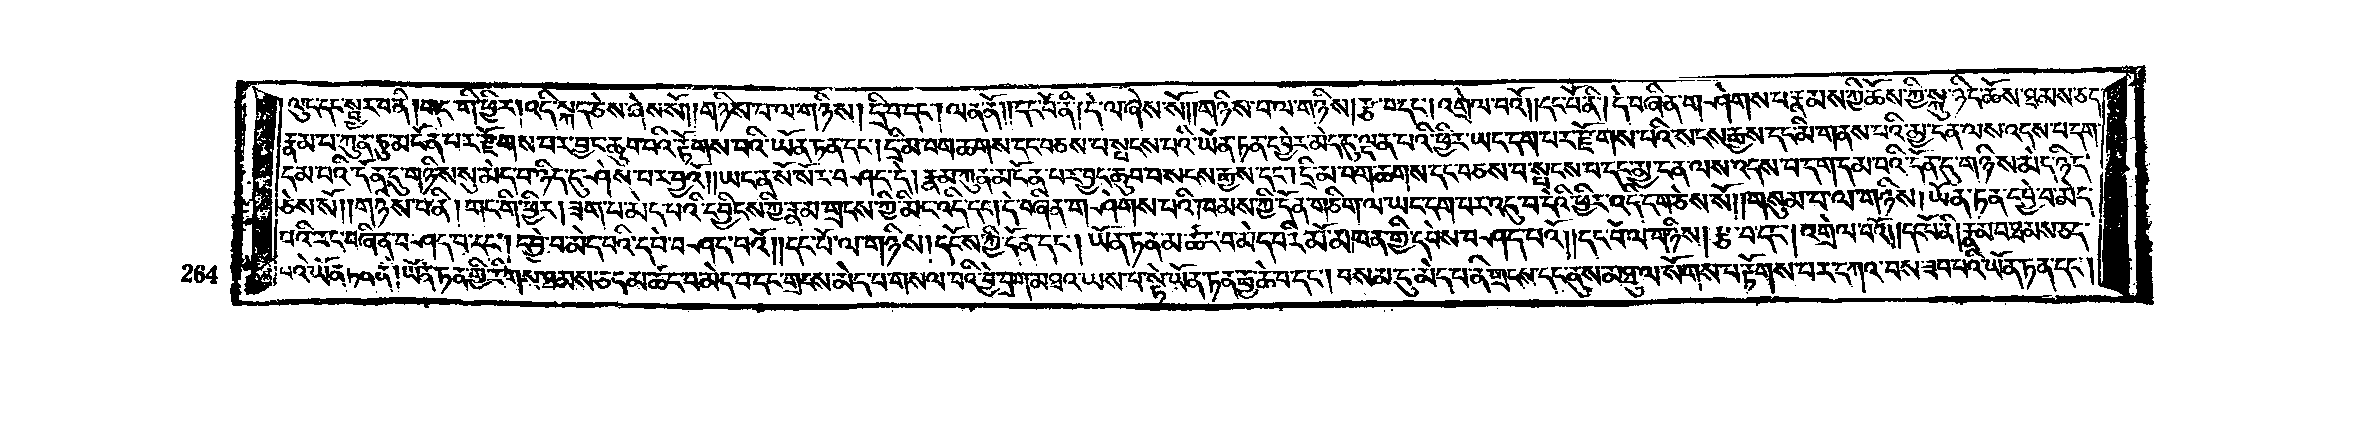ལུང་དང་སྦྱར་བ་ནི། གང་གི་ཕྱིར། འདི་སྐད་ཅེས་ཞེས་སོ། །གཉིས་པ་ལ་གཉིས། དྲི་བ་དང་། ལན་ནོ། །དང་པོ་ནི། དེ་ལ་ཞེས་སོ། །གཉིས་པ་ལ་གཉིས། རྩ་བ་དང་། འགྲེལ་པའོ། །དང་པོ་ནི། དེ་བཞིན་གཤེགས་པ་རྣམས་ཀྱི་ཆོས་ཀྱི་སྐུ་ཉིད་ཆོས་ཐམས་ཅད་
རྣམ་པ་ཀུན་ཏུ་མངོན་པར་རྫོགས་པར་བྱང་ཆུབ་པའི་རྟོགས་པའི་ཡོན་ཏན་དང་། དྲི་མ་བག་ཆགས་དང་བཅས་པ་སྤངས་པའི་ཡོན་ཏན་དབྱེར་མེད་དུ་ལྡན་པའི་ཕྱིར་ཡང་དག་པར་རྫོགས་པའི་སངས་རྒྱས་དང་མི་གནས་པའི་མྱ་ངན་ལས་འདས་པ་དག་
དམ་པའི་དོན་དུ་གཉིས་སུ་མེད་པ་ཉིད་དུ་ཤེས་པར་བྱའོ། །ཡང་ན་སོ་སོར་བཤད་དེ། རྣམ་ཀུན་མངོན་པར་བྱང་ཆུབ་པ་སངས་རྒྱས་དང་། དྲི་མ་བག་ཆགས་དང་བཅས་པ་སྤངས་པ་དང་མྱ་ངན་ལས་འདས་པ་དག་དམ་པའི་དོན་དུ་གཉིས་མེད་ཉིད་
ཅེས་སོ། །གཉིས་པ་ནི། གང་གི་ཕྱིར། ཟག་པ་མེད་པའི་དབྱིངས་ཀྱི་རྣམ་གྲངས་ཀྱི་མིང་འདི་དང་། དེ་བཞིན་གཤེགས་པའི་ཁམས་ཀྱི་དོན་གཅིག་ལ་ཡང་དག་པར་འདུ་བ་དེའི་ཕྱིར་འདི་དག་ཅེས་སོ། །གསུམ་པ་ལ་གཉིས། ཡོན་ཏན་དབྱེ་བ་མེད་
པའི་རང་བཞིན་བཤད་པ་དང་། དབྱེ་བ་མེད་པའི་དཔེ་བཤད་པའོ། །དང་པོ་ལ་གཉིས། དངོས་ཀྱི་དོན་དང་། ཡོན་ཏན་མ་ཚང་བ་མེད་པའི་རི་མོ་མཁན་གྱི་དཔེས་བཤད་པའོ། །དང་པོ་ལ་གཉིས། རྩ་བ་དང་། འགྲེལ་པའོ། །དང་པོ་ནི། རྣམ་པ་ཐམས་ཅད་
པའི་ཡོན་ཏན་ནི། ཡོན་ཏན་གྱི་རིགས་ཐམས་ཅད་མ་ཚང་བ་མེད་པ་དང་གྲངས་མེད་པ་གསལ་བའི་བྱེ་བྲག་མཐའ་ཡས་པ་སྟེ་ཡོན་ཏན་རྒྱ་ཆེ་བ་དང་། བསམ་དུ་མེད་པ་ནི་གྲངས་དང་ནུས་མཐུ་ལ་སོགས་པ་རྟོགས་པར་དཀའ་བས་ཟབ་པའི་ཡོན་ཏན་དང་།